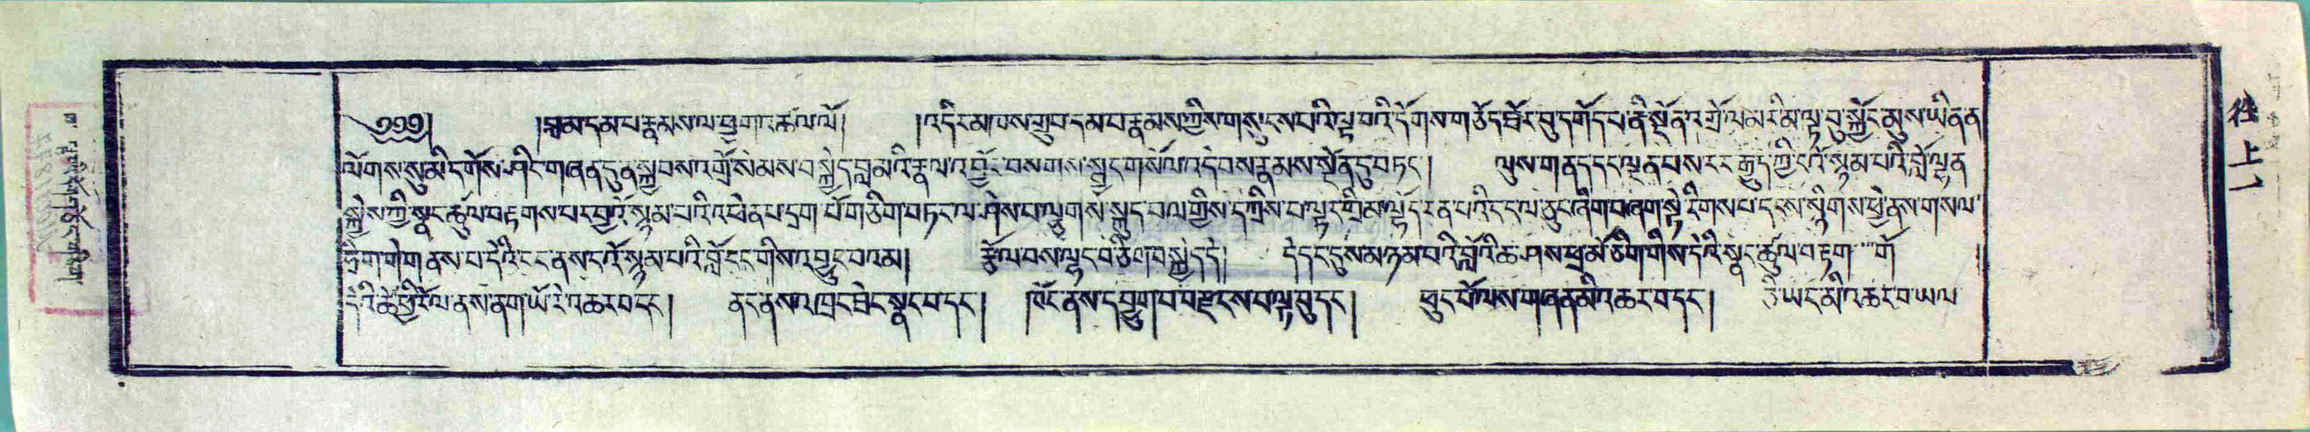༄༅། །  ལྟ་བའི་དོགས་གཅོད་ཐོར་བུ་པ་བཞུགས་སོ།།  །།བླ་མ་དམ་པ་རྣམས་ལ་ཕྱག་འཚལ་ལོ། །འདིར་མཁས་གྲུབ་དམ་པ་རྣམས་ཀྱིས་གསུངས་པའི་ལྟ་བའི་དོགས་གཅོད་ཐོར་བུ་
དགོད་པ་ནི་སྔོན་འགྲོ་ལམ་རིམ་ལྟ་བུ་སྐྱོང་མུས་ཡིན་ན་ལོགས་སུ་མི་དགོས་ཤིང་གཞན་དུ་ན་སྐྱབས་འགྲོ་སེམས་བསྐྱེད་བླ་མའི་རྣལ་འབྱོར་བསགས་སྦྱང་གསོལ་འདེབས་རྣམས་སྔོན་དུ་བཏང་། །
ལུས་གནད་དང་ལྡན་པས་རང་རྒྱུད་ཀྱི་ངའོ་སྙམ་པའི་བློ་ལྷན་སྐྱེས་ཀྱི་སྣང་ཚུལ་བརྟགས་པར་བྱའོ་སྙམ་པའི་འཕེན་པ་དྲག་པོ་གཅིག་བཏང་ལ་ཤེས་པ་ལྕགས་སྐུད་བལ་གྱིས་དཀྲིས་པ་ལྟར་གྲིམ་
ལྷོད་རན་པའི་ངང་ལ་ཅུང་ཞིག་བཞག་སྟེ་རིགས་པ་དངས་སྙིགས་ཕྱེ་ནས་གསལ་ཧྲིག་གེ་གནས་པ་དེའི་ངང་ནས་ངའོ་སྙམ་པའི་བློ་དང་གིས་འབྱུང་བའམ། རྩོལ་བས་ལྷང་བ་ཅིག་བསྐྱེད་དེ།
དེ་དང་དུས་མཉམ་པའི་བློའི་ཆ་ཤས་ཕྲ་མོ་ཅིག་གིས་དེའི་སྣང་ཚུལ་བརྟག་གོ །དེའི་ཚེ་ཕྱི་རོལ་ནས་ནག་ཡོ་རེ་འཆར་བ་དང་། ནང་ནས་འཁྲང་ཐེང་སྣང་བ་དང་། ཁོང་ནས་དབྱུག་པ་
བརྫངས་པ་ལྟ་བུ་དང་། ཕུང་པོ་ལས་གཞན་མི་འཆར་བ་དང་། ཅི་ཡང་མི་འཆར་བ་ཡལ་འགྲོ་བ་ལྟ་བུའི་སྣང་ཚུལ་ཅི་རིག་འོང་བའི། དང་པོ་ནི། ཤེས་པ་བསྒྲིམས་ཤིང་